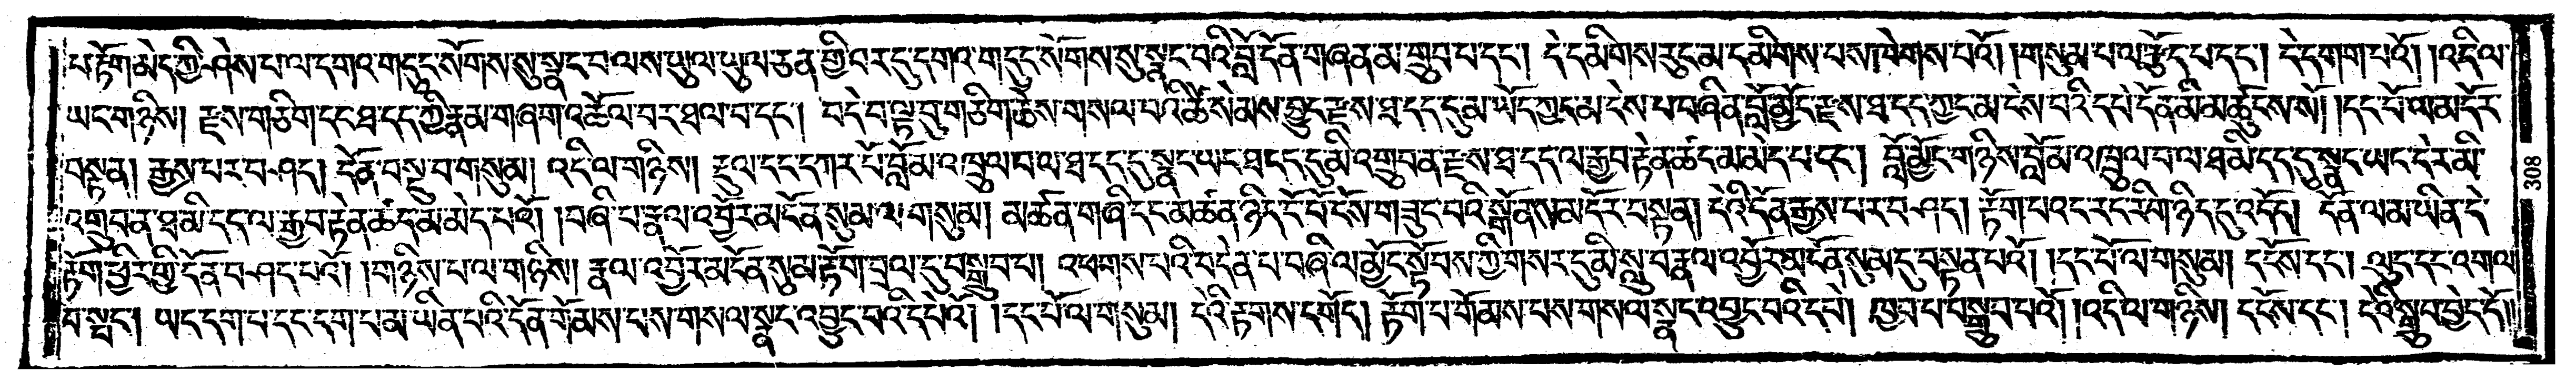པ་རྟོག་མེད་ཀྱི་ཤེས་པ་ལ་དགའ་གདུང་སོགས་སུ་སྣང་བ་ལས་ཡུལ་ཡུལ་ཅན་གྱི་བར་དུ་དགའ་གདུང་སོགས་སུ་སྣང་བའི་བློ་དོན་གཞན་མ་གྲུབ་པ་དང་། དེ་དམིགས་རུང་མ་དམིགས་པས་ཁེགས་པའོ། །གསུམ་པ་ལ་རྩོད་པ་དང་། དེ་དགག་པའོ། །འདི་ལ་
ཡང་གཉིས། རྫས་གཅིག་དང་ཐ་དད་ཀྱི་རྣམ་གཞག་འཆོལ་བར་ཐལ་བ་དང་། བདེ་བ་ལྟ་བུ་གཅིག་ཆེས་གསལ་བའི་ཚེ་སེམས་བྱུང་རྫས་ཐ་དད་དུ་མ་ཡོད་ཀྱང་མ་ངེས་པ་བཞིན་བློ་མྱོང་རྫས་ཐ་དད་ཀྱང་མ་ངེས་པའི་དཔེ་དོན་མི་མཚུངས་སོ། །དང་པོ་ལ་མདོར་
བསྟན། རྒྱས་པར་བཤད། དོན་བསྡུ་བ་གསུམ། འདི་ལ་གཉིས། རྡུལ་དང་དཀར་པོ་བློ་མ་འཁྲུལ་བ་ལ་ཐ་དད་དུ་སྣང་ཡང་ཐ་དད་དུ་མི་འགྲུབ་ན་རྫས་ཐ་དད་ལ་རྒྱབ་རྟེན་ཚད་མ་མེད་པ་དང་། བློ་མྱོང་གཉིས་བློ་མ་འཁྲུལ་བ་ལ་ཐ་མི་དད་དུ་སྣང་ཡང་དེར་མི་
འགྲུབ་ན་ཐ་མི་དད་ལ་རྒྱབ་རྟེན་ཚད་མ་མེད་པའོ། །བཞི་པ་རྣལ་འབྱོར་མངོན་སུམ་ལ་གསུམ། མཚན་གཞི་དང་མཚན་ཉིད་ངོ་བོ་ངོས་གཟུང་བའི་སྒོ་ནས་མདོར་བསྟན། དེའི་དོན་རྒྱས་པར་བཤད། རྟོག་པའང་རང་རིག་ཉིད་དུ་འདོད། དོན་ལམ་ཡིན་དེ་
རྟོག་ཕྱིར་གྱི་དོན་བཤད་པའོ། །གཉིས་པ་ལ་གཉིས། རྣལ་འབྱོར་མངོན་སུམ་རྟོག་བྲལ་དུ་བསྒྲུབ་པ། འཕགས་པའི་བདེན་པ་བཞི་ལ་མྱོང་སྟོབས་ཀྱི་གསར་དུ་མི་སླུ་བ་རྣལ་འབྱོར་མངོན་སུམ་དུ་བསྟན་པའོ། །དང་པོ་ལ་གསུམ། དངོས་དང་། ལུང་དང་འགལ་
བ་སྤང་། ཡང་དག་པ་དང་དག་པ་མ་ཡིན་པའི་དོན་གོམས་པས་གསལ་སྣང་འབྱུང་བའི་དཔེའོ། །དང་པོ་ལ་གསུམ། དེའི་རྟགས་དགོད། རྟོག་པ་གོམས་པས་གསལ་སྣང་འབྱུང་བའི་དཔེ། ཁྱབ་པ་བསྒྲུབ་པའོ། །འདི་ལ་གཉིས། དངོས་དང་། དེའི་སྒྲུབ་བྱེད་དོ།།